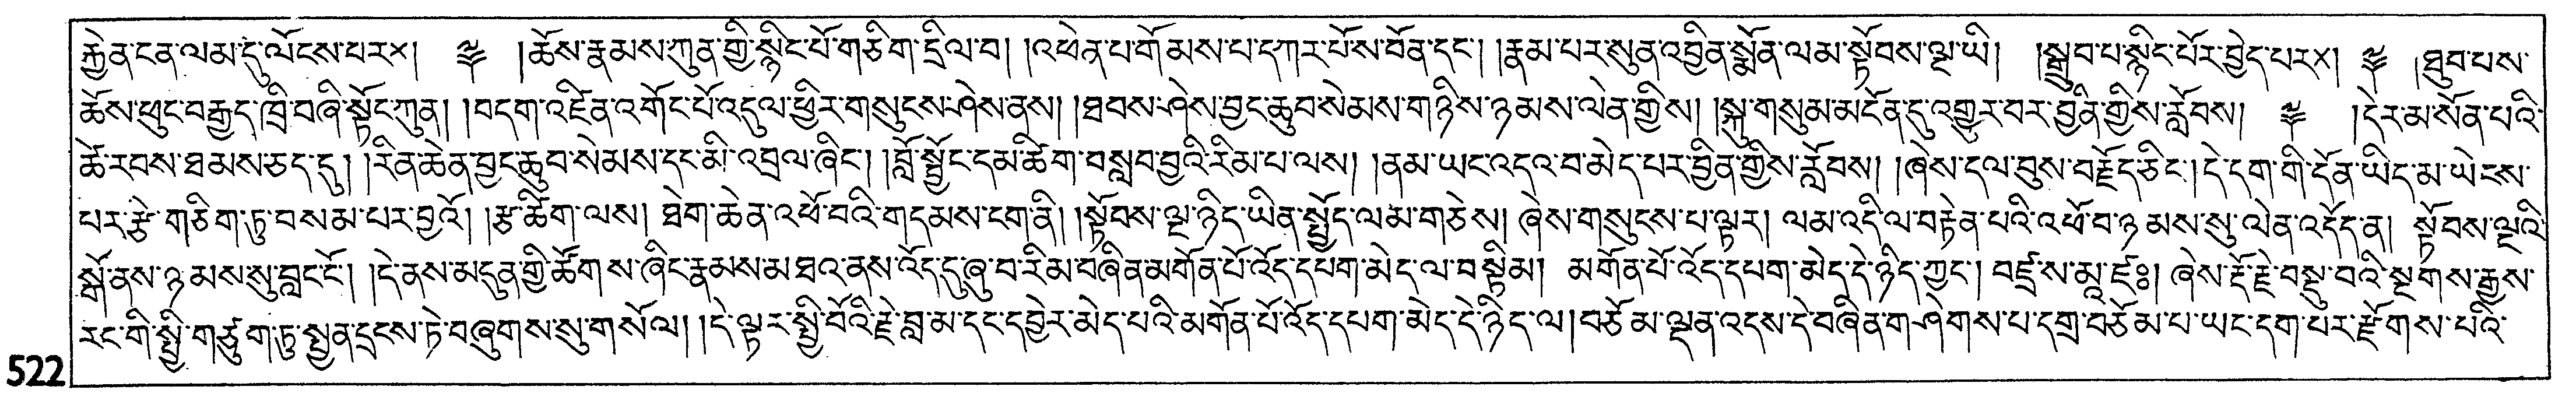རྐྱེན་ངན་ལམ་དུ་ལོངས་པར་྾། ༈ །ཆོས་རྣམས་ཀུན་གྱི་སྙིང་པོ་གཅིག་དྲིལ་བ། །འཕེན་པ་གོམས་པ་དཀར་པོ་ས་བོན་དང་། །རྣམ་པར་སུན་འབྱིན་སྨོན་ལམ་སྟོབས་ལྔ་ཡི། །སྒྲུབ་པ་སྙིང་པོར་བྱེད་པར་྾། ༈ །ཐུབ་པས་
ཆོས་ཕུང་བརྒྱད་ཁྲི་བཞི་སྟོང་ཀུན། །བདག་འཛིན་འགོང་པོ་འདུལ་ཕྱིར་གསུངས་ཤེས་ནས། །ཐབས་ཤེས་བྱང་ཆུབ་སེམས་གཉིས་ཉམས་ལེན་གྱིས། །སྐུ་གསུམ་མངོན་དུ་འགྱུར་བར་བྱིན་གྱིས་རློབས། ༈ །དེར་མ་སོན་པའི་
ཚེ་རབས་ཐམས་ཅད་དུ། །རིན་ཆེན་བྱང་ཆུབ་སེམས་དང་མི་འབྲལ་ཞིང་། །བློ་སྦྱོང་དམ་ཚིག་བསླབ་བྱའི་རིམ་པ་ལས། །ནམ་ཡང་འདའ་བ་མེད་པར་བྱིན་གྱིས་རློབས། །ཞེས་དལ་བུས་བརྗོད་ཅིང་། དེ་དག་གི་དོན་ཡིད་མ་ཡེངས་
པར་རྩེ་གཅིག་ཏུ་བསམ་པར་བྱའོ། །རྩ་ཚིག་ལས། ཐེག་ཆེན་འཕོ་བའི་གདམས་ངག་ནི། །སྟོབས་ལྔ་ཉིད་ཡིན་སྤྱོད་ལམ་གཅེས། ཞེས་གསུངས་པ་ལྟར། ལམ་འདི་ལ་བརྟེན་པའི་འཕོ་བ་ཉམས་སུ་ལེན་འདོད་ན། སྟོབས་ལྔའི་
སྒོ་ནས་ཉམས་སུ་བླང་ངོ། །དེ་ནས་མདུན་གྱི་ཚོགས་ཞིང་རྣམས་མཐའ་ནས་འོད་དུ་ཞུ་བ་རིམ་བཞིན་མགོན་པོ་འོད་དཔག་མེད་ལ་བསྟིམ། མགོན་པོ་འོད་དཔག་མེད་དེ་ཉིད་ཀྱང་། བཛྲ་ས་མཱ་ཛཿ། ཞེས་རྡོ་རྗེ་བསྡུ་བའི་སྔགས་རྒྱས་
རང་གི་སྤྱི་གཙུག་ཏུ་སྤྱན་དྲངས་ཏེ་བཞུགས་སུ་གསོལ། །དེ་ལྟར་སྤྱི་བོའི་རྗེ་བླ་མ་དང་དབྱེར་མེད་པའི་མགོན་པོ་འོད་དཔག་མེད་དེ་ཉིད་ལ། བཅོམ་ལྡན་འདས་དེ་བཞིན་གཤེགས་པ་དགྲ་བཅོམ་པ་ཡང་དག་པར་རྫོགས་པའི་